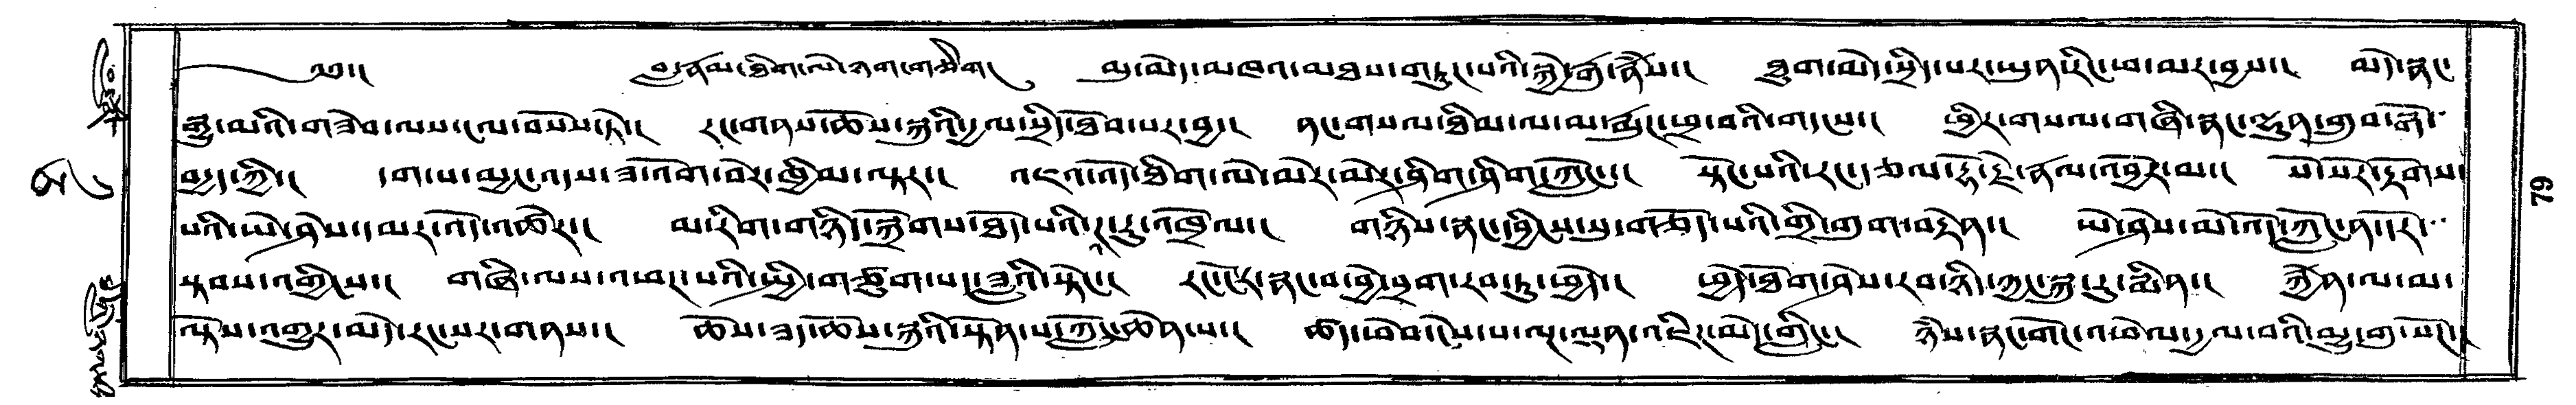༈ བླ་རྣམ་ཐིག་ལེ་ཉག་གཅིག་བཞུགས། མུ་མེད་མཁའ་མཐས་གཏུགས་པའི་སྐྱེ་རྒུ་རྣམས། །ཐུག་མེད་སྲིད་པར་ཡུན་རིང་ཕ་མ་བྱས། །མེད་སྣང་
སྒྱུ་མའི་གཟེབ་ལས་ངལ་གསོས་ཏེ། །རང་གནས་ཆོས་སྐུའི་རྒྱལ་སྲིད་འཐོབ་པར་བྱ། །ནང་གསལ་ཐིམ་ལ་མ་རྨུགས་ཕྲ་བའི་གདངས། །ཕྱིར་གསལ་གཞི་སྣང་ལྷུན་གྲུབ་སྒོ་
བརྒྱད་ཀྱི། །དག་པ་མྱང་འདས་ཟ་འོག་བེར་ཁྱིམ་ལྟར། །འཇའ་འོད་ཐིག་ལེ་མེར་མེར་ཤིག་ཤིག་ཀློང་། །སྟོང་པའི་རང་རྩལ་རྡོ་རྗེ་རྣལ་འབྱོར་མ། །སོ་སོར་རྟོགས་
པའི་ཡེ་ཤེས་དམར་འོད་འཚེར། །མ་རིག་གཉིད་སྐྲོག་ཐོད་པའི་ཌཱ་རུ་འཁྲོལ། །གཉིས་སྣང་དབྱིངས་སུ་གཅོད་པའི་གྲི་གུག་བརྟེན། །ཡེ་ཤེས་མེ་འོད་ཀློང་ན་དོར་
སྟབས་འགྱིང་། །གཞི་ལས་འཕགས་པའི་སྤྱི་གཙུག་པད་ཟླའི་སྟེང་། །རང་ངོར་སྣང་བ་བྱེ་བྲག་རབ་ཏུ་ཕྱེད། །ཕྱེད་ཐོག་ཤེས་རབ་ཉིད་ཀྱང་སྐུ་རུ་སྨིན། །རྐྱེན་ལ་མ་
ལྟོས་འགྱུར་མེད་རང་སར་གནས། །ཆོས་ཟད་ཆོས་སྐུའི་སྟོན་པ་ཀློང་ཆེན་པ། །ཚད་ཕེབས་ངེས་པ་ལྔ་ལྡན་འཇིགས་མེད་གླིང་། །ཉམས་སྣང་གོང་འཕེལ་རྒྱལ་བའི་མྱུ་གུ་སོགས།